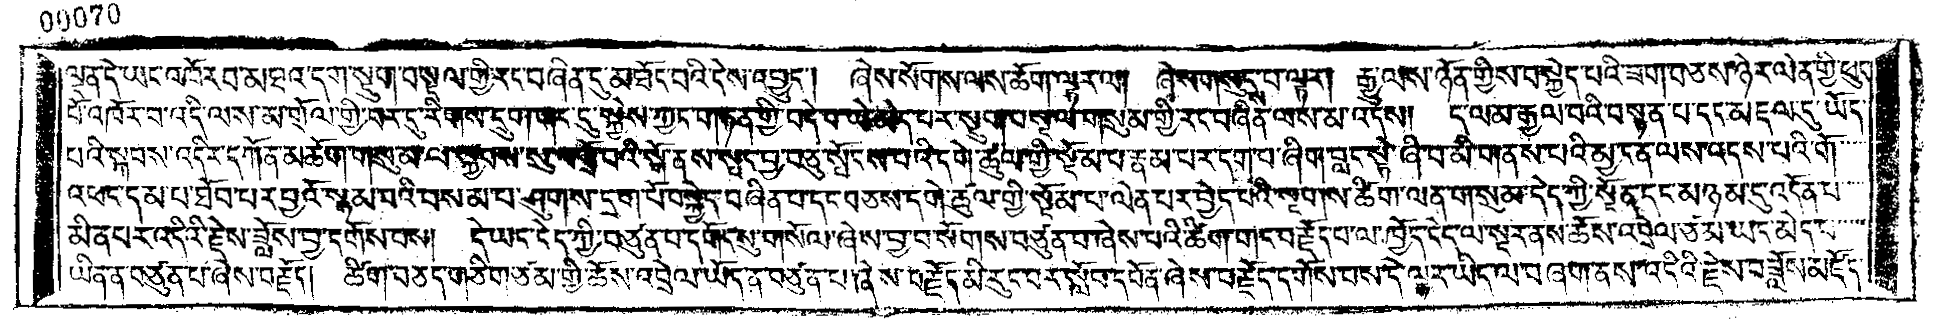ལྡན་དེ་ཡང་འཁོར་བ་མཐའ་དག་སྡུག་བསྔལ་གྱི་རང་བཞིན་དུ་མཐོང་བའི་ངེས་འབྱུང་། ཞེས་སོགས་ལས་ཆོག་ལྟར་ལ། ཞེས་གསུངས་པ་ལྟར། རྒྱུ་ལས་ཉོན་གྱིས་བསྐྱེད་པའི་ཟག་བཅས་ཉེར་ལེན་གྱི་ཕུང་
པོ་འཁོར་བ་འདི་ལས་མ་གྲོལ་གྱི་བར་དུ་རིགས་དྲུག་གང་དུ་སྐྱེས་ཀྱང་གཏན་གྱི་བདེ་བ་ཡེ་མེད་པར་སྡུག་བསྔལ་གསུམ་གྱི་རང་བཞིན་ལས་མ་འདས། ད་ལམ་རྒྱལ་བའི་བསྟན་པ་དང་མཇལ་དུ་ཡོད་
པའི་སྐབས་འདིར་དཀོན་མཆོག་གསུམ་ལ་སྐྱབས་སུ་འགྲོ་བའི་སྒོ་ནས་སྤང་བྱ་བཅུ་སྤོངས་པའི་དགེ་ཚུལ་གྱི་སྡོམ་པ་རྣམ་པར་དག་པ་ཞིག་བླང་སྟེ་ཞི་བ་མི་གནས་པའི་མྱ་ངན་ལས་འདས་པའི་གོ་
འཕང་དམ་པ་ཐོབ་པར་བྱའོ་སྙམ་པའི་བསམ་པ་ཤུགས་དྲག་པོ་བསྐྱེད་བཞིན་པ་དང་བཅས་དགེ་ཚུལ་གྱི་སྡོམ་པ་ལེན་པར་བྱེད་པའི་སྔགས་ཚིག་ལན་གསུམ་དེད་ཀྱི་སྔོན་དང་མཉམ་དུ་འདོན་པ་
མིན་པར་འདིའི་རྗེས་ཟློས་བྱ་དགོས་པས། དེ་ཡང་ངེད་ཀྱི་བཙུན་པ་དགོང་སུ་གསོལ་ཞེས་བྱ་བ་སོགས་བཙུན་པ་ཞེས་པའི་ཚིག་གང་བརྗོད་པ་ལ་ཁྱོད་ངེད་ལ་སྔར་ནས་ཆོས་འབྲེལ་ཙམ་ཡང་མེད་པ་
ཡིན་ན་བཙུན་པ་ཞེས་བརྗོད། ཚིག་བཅད་གཅིག་ཙམ་གྱི་ཆོས་འབྲེལ་ཡོད་ན་བཙུན་པ་ཞེས་བརྗོད་མི་རུང་བར་སློབ་དཔོན་ཞེས་བརྗོད་དགོས་པས་དེ་ལྟར་ཡིད་ལ་བཞག་ནས་འདིའི་རྗེས་བཟློས་མཛོད་